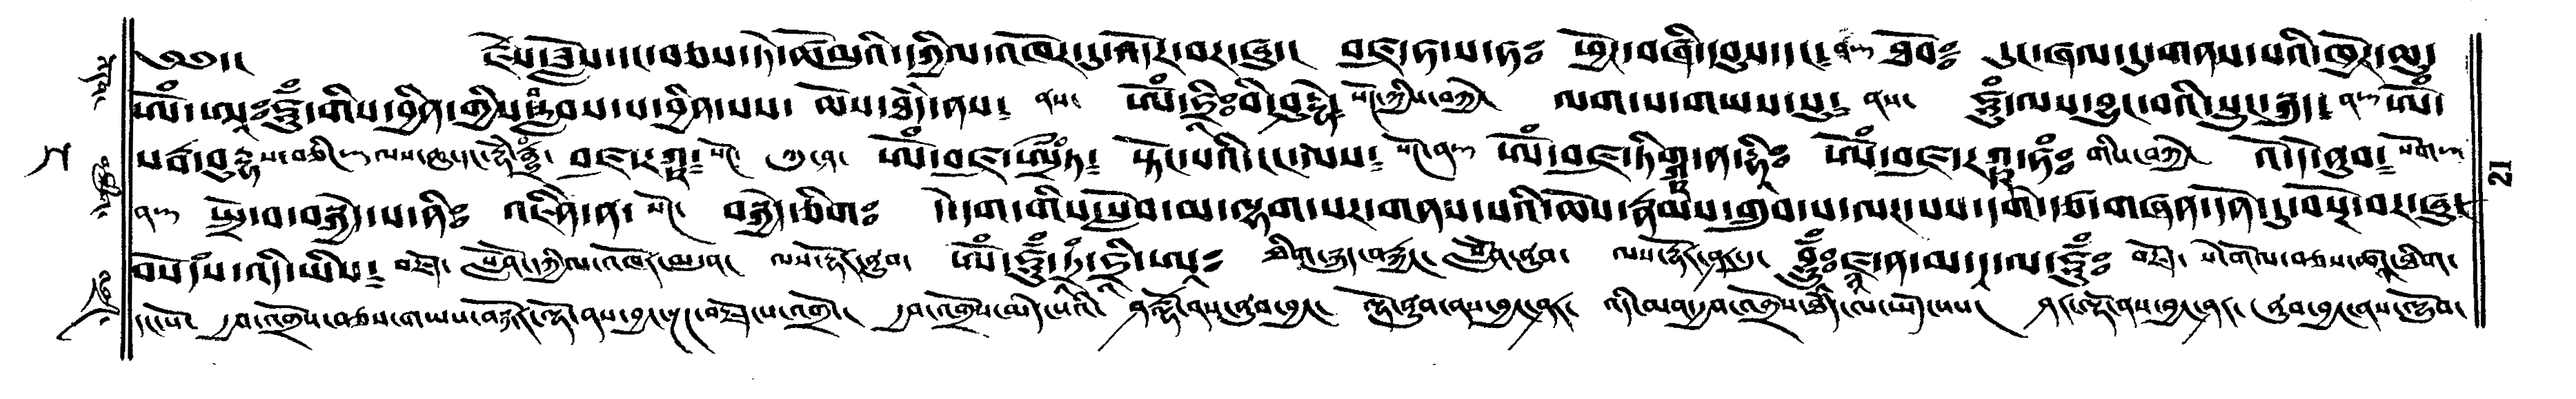རྗེས་ཟློས་དང་བཅས་ཏེ་ཚོམ་བུའི་དཀྱིལ་འཁོར་དུ་འདོར་བར་ཞུ༔ བཛྲ་ཧ་ས་ཧ༔ ཕྱོགས་བཞི་དབུས་དང༴ ནས། ཐོབ༔ དུང་ཞལ་དུ་གནས་པའི་ཁྱོར་ཆུ༔ 
ཨོཾ་ཨཱཿཧཱུྃ་གིས་བྱིན་གྱིས་བརླབས་པ་བྱིན་པས༔ ཆོས་ཐམས་ཅད་ནས༴ ནས། ཨོཾ་ཧྲཱིཿབི་ཤུདྡྷེ༴ སོགས་ཀྱིས་བཀྱེ། ལག་པ་གཡས་སུ༴ ནས། ཧཱུཾ་ལས་བྱུང་བའི་སྲུང་སྐུད༴ ནས། ཨོཾ་
སརྦ་བུ་དྡྷ ས་བཅིང་། ལས་ཆུ་དང་རྡོ་རྗེས་འགྲེམ། བཛྲ་རཀྵ༴ སོགས། ཀུ་ཤ། ཨོཾ་བཛྲ་ཨ་མྲིཏ༴ སྟོང་པའི་ངང་ལས༴ སོགས་ནས། ཨོཾ་བཛྲ་ཏིག་ཀྵ་ན་དྷཱི༔ ཨོཾ་བཛྲ་རཀྵ་ཧཾ༔ གིས་བཀྱེ། འོ་དོ་ནུབ༴ སོགས་
ནས། སྤྲོ་བ་སྐྱེད་པ་ནི༔ འཇིག་རྟེན་ན༴ སོགས། སྐྱེད་ཅིག༔ དེ་དག་གིས་སློབ་མ་ལྷག་པར་གནས་པའི་ཆོས་རྣམས་གྲུབ་པ་ལགས་པས་དགེ་རྩ་གཞན་དོན་དུ་བསྔོ་བར་ཞུ། 
བསོད་ནམས་འདི་ཡིས༴ རྗོད། སློབ་དཔོན་དཀྱིལ་འཁོར་མདུན། ལས་རྡོར་ནུབ། ཨོཾ་ཧཱུྃ་ཏྲཱཾ་ཧྲཱི་ཨཱ༔ ཐིག་སྐུད་བརྐྱང་། སློབ་དཔོན་ནུབ། ལས་རྡོར་ཤར་དུ། བྷྲུྃཿཛྙཱ་ན་མ་ད་ལ་ཧཱུྃ༔ རྗོད། སེ་གོལ་བཅས་ཚགས་ཐིག་
དང་པོ་རྒྱབ་འགྲོས་བཅས་གཡས་བསྐོར་ལྷོ་ནས་བྱང་དུ་སྔགས་བརྗོད་བཞིན་འགྲོ། རྒྱབ་འགྲོས་མེད་པའི་ཤར་ལྷོ་ནས་ནུབ་བྱང་། ལྷོ་བུབ་ནས་བྱང་ཤར། འདི་མན་རྒྱབ་འགྲོས་ཐམས་ཅད་ལ་ཡོད་པས། ཤར་ལྷོ་ནས་བྱང་ཤར། ནུབ་བྱང་ནས་ལྷོ་ནུབ་